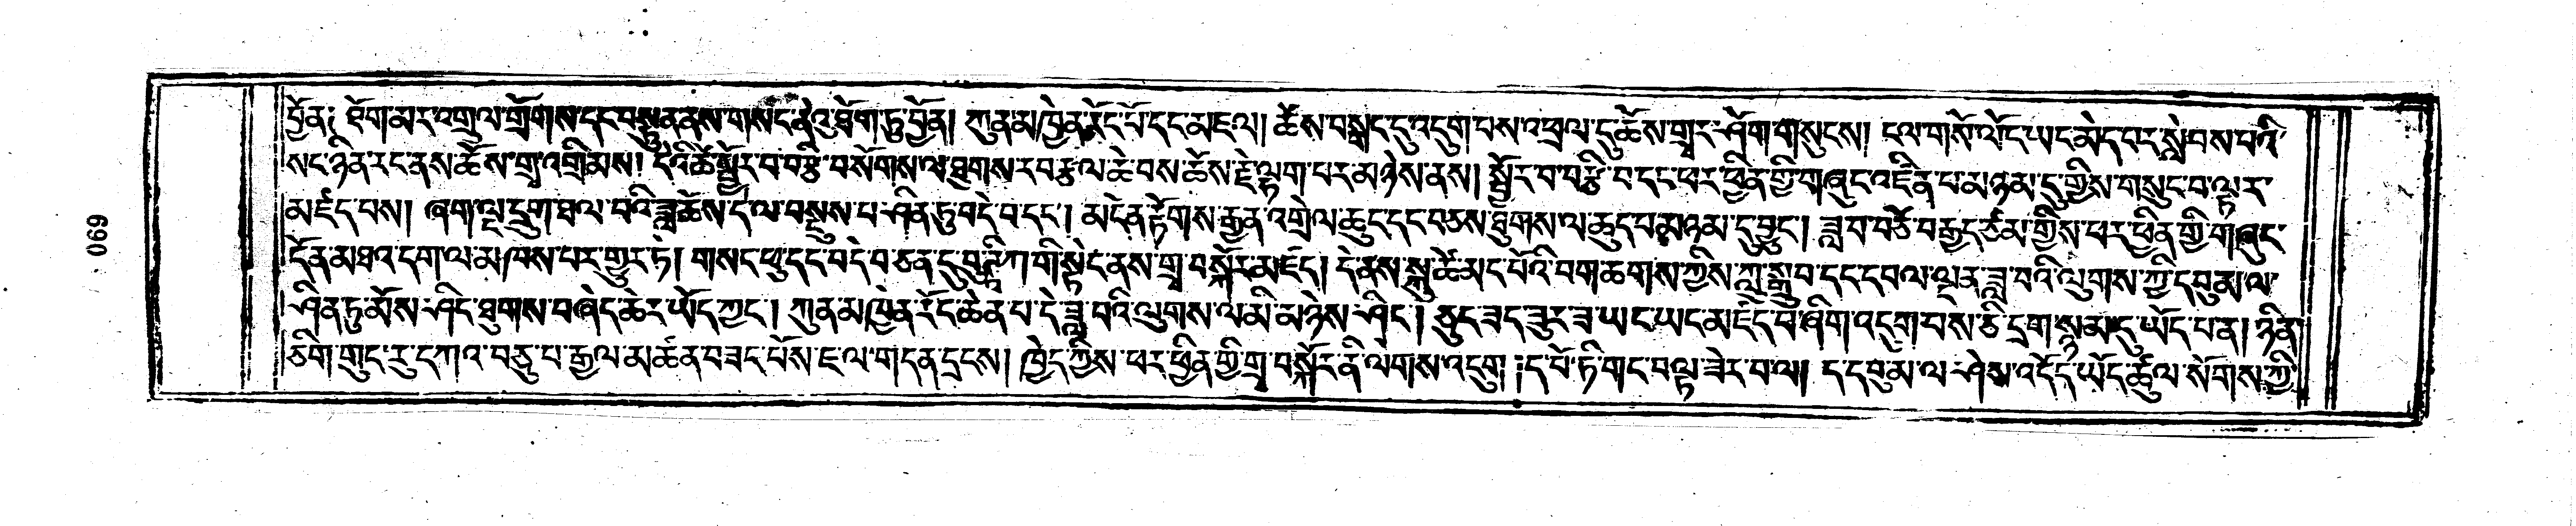བྱོན༑ ཐོག་མར་འགྲུལ་གྲོགས་དང་བསྟུན་ནས་གསང་ནེའུ་ཐོག་ཏུ་བྱོན། ཀུན་མཁྱེན་རོང་པོ་དང་མཇལ། ཆོས་བསྒང་དུ་འདུག་པས་འཕྲེལ་དུ་ཆོས་གྲྭར་ཤོག་གསུངས། ངལ་གསོ་ལོང་ཡང་མེད་པར་སླེབས་པའི་
སང་ཉིན་རང་ནས་ཆོས་སུ་འགྲིམས། དེའི་ཚེ་སྦྱོར་བ་བརྩི་བ་སོགས་ལ་ཐུགས་རབ་རྩལ་ཆེ་བས་ཆོས་རྗེ་ལྷག་པར་མཉེས་ནས། སྦྱོར་བ་བརྩི་བ་དང་ཕར་ཕྱིན་གྱི་གཞུང་འཛིན་པ་མཉམ་དུ་གྱིས་གསུང་བ་ལྟར་
མཛད་པས། ཞག་ལྔ་དྲུག་ཐལ་བའི་ཟླ་ཚེས་དེ་ལ་བསྡུས་པ་ཤིན་ཏུ་བདེ་བ་དང་། མངོན་རྟོགས་རྒྱན་འགྲེལ་ཆུང་དང་བཅས་ཐུགས་ལ་ཆུད་པ་མཉམ་དུ་བྱུང་། ཟླ་བ་བཅོ་བརྒྱད་ཙམ་གྱིས་ཕར་ཕྱིན་གྱི་གཞུང་
དོན་མཐའ་དག་ལ་མཁས་པར་གྱུར་ཏེ། གསང་ཕུ་དང་བདེ་བ་ཅན་དུ་བུ་ཊཱི་ཀ་གི་སྟེང་ནས་གྲྭ་བསྐོར་མཛད། དེ་ནས་སྐུ་ཚེ་མང་པོའི་བག་ཆགས་ཀྱིས་ཀླུ་སྒྲུབ་དང་དཔལ་ལྡན་ཟླ་བའི་ལུགས་ཀྱི་དབུ་མ་ལ་
ཤིན་ཏུ་མོས་ཤིང་ཐུགས་བཞེད་ཆེར་ཡོད་ཀྱང་། ཀུན་མཁྱེན་རོང་ཆེན་པ་དེ་ཟླ་བའི་ལུགས་ལ་མི་མཉེས་ཤིང་། ཅུང་ཟད་ཟུར་ཟ་ཡང་ཡང་མཛད་པ་ཞིག་འདུག་པས་ཅི་དྲག་སྙམ་དུ་ཡོད་པ་ན། ཉིན་
ཅིག་གུང་རུ་དཀའ་བཅུ་པ་རྒྱལ་མཚན་བཟང་པོས་ཇ་ལ་གདན་དྲངས། ཁྱེད་ཀྱིས་ཕར་ཕྱིན་གྱི་གྲྭ་བསྐོར་ནི་ལེགས་འདུག །ད་པོ་ཏི་གང་བལྟ་ཟེར་བ་ལ། ད་དབུ་མ་ལ་ཤེས་འདོད་ཡོད་ཚུལ་སོགས་ཀྱི་